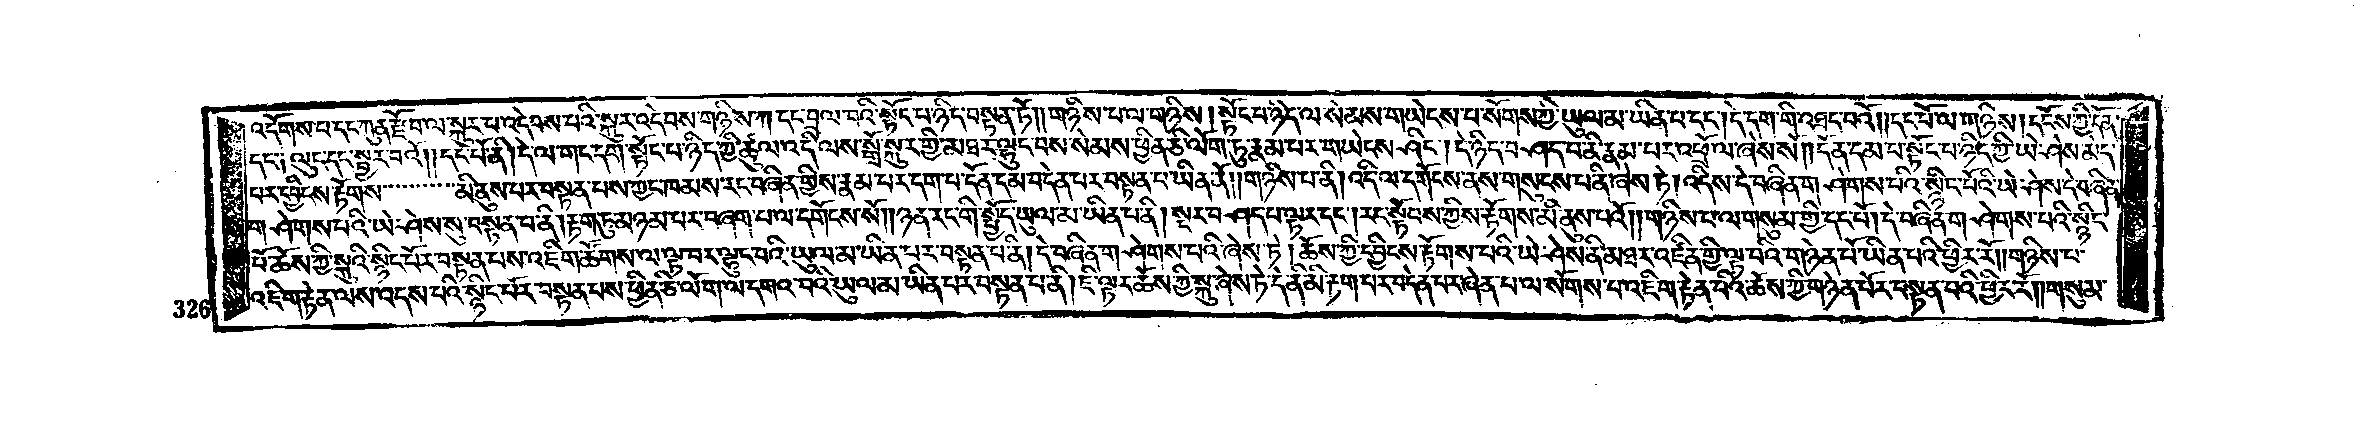འདོགས་པ་དང་ཀུན་རྫོབ་ལ་སྐུར་བ་འདེབས་པའི་སྐུར་འདེབས་གཉིས་ཀ་དང་བྲལ་བའི་སྟོང་པ་ཉིད་བསྟན་ཏོ། །གཉིས་པ་ལ་གཉིས། སྟོང་པ་ཉིད་ལ་སེམས་གཡེངས་པ་སོགས་ཀྱི་ཡུལ་མ་ཡིན་པ་དང་། དེ་དག་གི་འཐད་པའོ། །དང་པོ་ལ་གཉིས། དངོས་ཀྱི་དོན་
དང༑ ལུང་དང་སྦྱར་བའོ། །དང་པོ་ནི། དེ་ལ་གང་དག་སྟོང་པ་ཉིད་ཀྱི་ཚུལ་འདི་ལས་སྒྲོ་སྐུར་གྱི་མཐར་ལྷུང་བས་སེམས་ཕྱིན་ཅི་ལོག་ཏུ་རྣམ་པར་གཡེངས་ཤིང་། དེ་ཉིད་བཤད་པ་ནི་རྣམ་པར་འཕྲོ་ལ་ཞེས་སོ། །དོན་དམ་པ་སྟོང་པ་ཉིད་ཀྱི་ཡེ་ཤེས་མེད་
པར་དབྱིངས་རྟོགས་མི་ནུས་པར་བསྟན་པས་ཀྱང་ཁམས་རང་བཞིན་གྱིས་རྣམ་པར་དག་པ་དོན་དམ་བདེན་པར་བསྟན་པ་ཡིན་ནོ། །གཉིས་པ་ནི། འདི་ལ་དགོངས་ནས་གསུངས་པ་ནི་ཞེས་ཏེ། འདིས་དེ་བཞིན་གཤེགས་པའི་སྙིང་པོའི་ཡེ་ཤེས་དེ་བཞིན་
གཤེགས་པའི་ཡེ་ཤེས་སུ་བསྟན་པ་ནི། རྟག་ཏུ་མཉམ་པར་བཞག་པ་ལ་དགོངས་སོ། །ཉན་རང་གི་སྤྱོད་ཡུལ་མ་ཡིན་པ་ནི། སྔར་བཤད་པ་ལྟར་དང་། རང་སྟོབས་ཀྱིས་རྟོགས་མི་ནུས་པའོ། །གཉིས་པ་ལ་གསུམ་གྱི་དང་པོ། དེ་བཞིན་གཤེགས་པའི་སྙིང་
པོ་ཆོས་ཀྱི་སྐུའི་སྙིང་པོར་བསྟན་པས་འཇིག་ཚོགས་ལ་ལྟ་བར་ལྷུང་བའི་ཡུལ་མ་ཡིན་པར་བསྟན་པ་ནི། དེ་བཞིན་གཤེགས་པའི་ཞེས་ཏེ། ཆོས་ཀྱི་དབྱིངས་རྟོགས་པའི་ཡེ་ཤེས་ནི་མཐར་འཛིན་གྱི་ལྟ་བའི་གཉེན་པོ་ཡིན་པའི་ཕྱིར་རོ། །གཉིས་པ་
འཇིག་རྟེན་ལས་འདས་པའི་སྙིང་པོར་བསྟན་པས་ཕྱིན་ཅི་ལོག་ལ་དགའ་བའི་ཡུལ་མ་ཡིན་པར་བསྟན་པ་ནི། ཇི་ལྟར་ཆོས་ཀྱི་སྐུ་ཞེས་ཏེ་དེ་ནི་མི་རྟག་པར་བདེན་པར་ཞེན་པ་ལ་སོགས་པ་འཇིག་རྟེན་པའི་ཆོས་ཀྱི་གཉེན་པོར་བསྟན་པའི་ཕྱིར་རོ། །གསུམ་